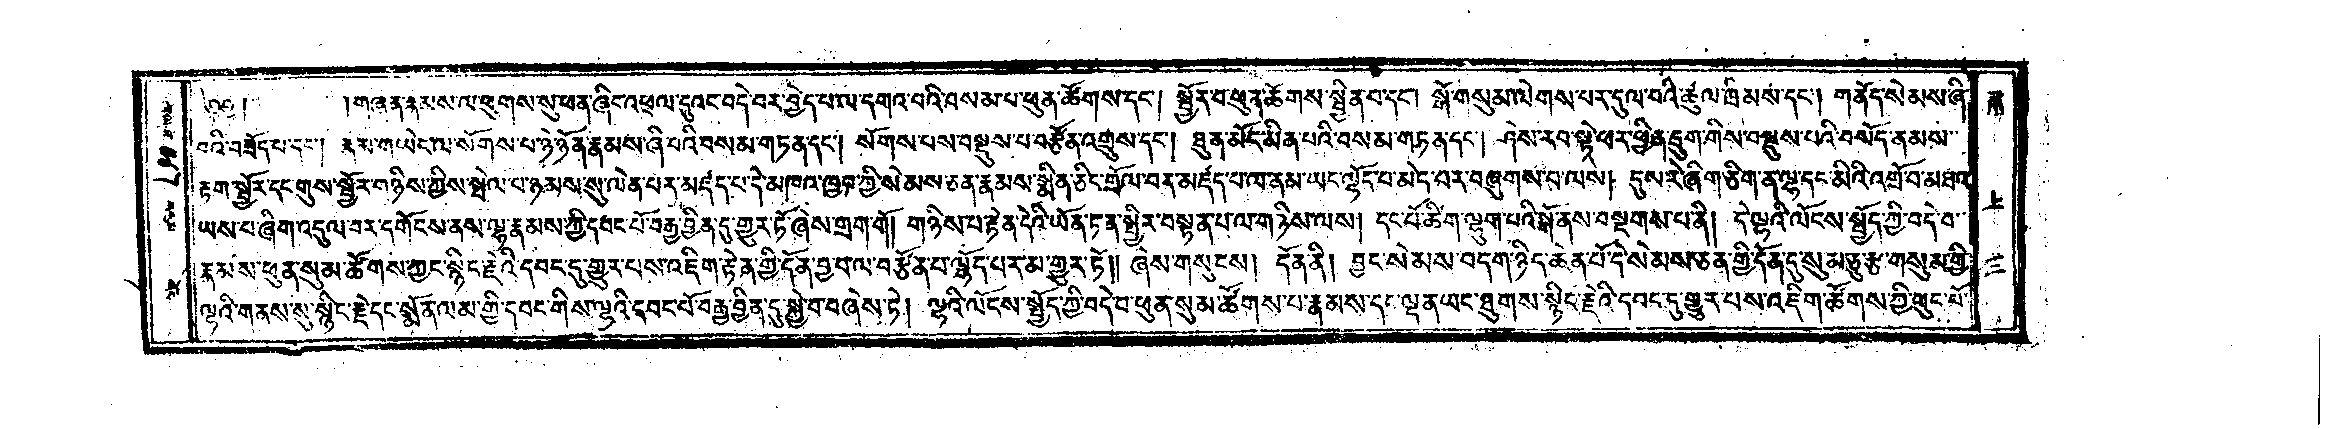༄༅། །གཞན་རྣམས་ལ་ཕུགས་སུ་ཕན་ཞིང་འཕྲལ་དུའང་བདེ་བར་བྱེད་པ་ལ་དགའ་བའི་བསམ་པ་ཕུན་ཚོགས་དང་། སྦྱོར་བ་ཕུན་ཆོགས?་སྦྱིན་པ་དང་། སྒོ་གསུམ་ལེགས་པར་དུལ་བའི་ཚུལ་ཁྲིམས་དང་། གནོད་སེམས་ཞི་
བའི་བཟོད་པ་དང་། རྣམ་གཡེང་ལ་སོགས་པ་ཉེ་ཉོན་རྣམས་ཞི་བའི་བསམ་གཏན་དང་། སོགས་པས་བསྡུས་པ་བརྩོན་འགྲུས་དང་། ཐུན་མོང་མིན་པའི་བསམ་གཏན་དང་། ཤེས་རབ་སྟེ་ཕར་ཕྱིན་དྲུག་གིས་བསྡུས་པའི་བསོད་ནམས་
རྟག་སྦྱོར་དང་གུས་སྦྱོར་གཉིས་ཀྱིས་སྤེལ་པ་ཉམས་སུ་ལེན་བར་མཛད་པ་དེ་མཁའ་ཁྱབ་ཀྱི་སེམས་ཅན་རྣམས་སྨིན་ཅིང་གྲོལ་བར་མཛད་པ་ལ་ནམ་ཡང་ལྷོད་པ་མེད་པར་བཞུགས་བ་ལས། དུས་རེ་ཞིག་ཅིག་ན་ལྷ་དང་མིའི་འགྲོ་བ་མཐའ་
ཡས་པ་ཞིག་འདུལ་བར་དགོངས་ནས་ལྷ་རྣམས་ཀྱི་དབང་པོ་བརྒྱ་བྱིན་དུ་གྱུར་ཏོ་ཞེས་གྲག་གོ། གཉིས་པ་རྟེན་དེའི་ཡོན་ཏན་སྤྱིར་བསྟན་པ་ལ་གཉིས་ལས། དང་པོ་ཚིག་ལྷུག་པའི་སྒོ་ནས་བསྔགས་པ་ནི། དེ་ལྷའི་ལོངས་སྤྱོད་ཀྱི་བདེ་བ་
རྣམས་ཕུན་སུམ་ཚོགས་ཀྱང་སྙིང་རྗེའི་དབང་དུ་གྱུར་པས་འཇིག་རྟེན་གྱི་དོན་བྱ་བ་ལ་བརྩོན་པ་ལྷོད་པར་མ་གྱུར་ཏོ།། ཞེས་གསུངས། དོན་ནི། བྱང་སེམས་བདག་ཉིད་ཆེན་པོ་དེ་སེམས་ཅན་གྱི་དོན་དུ་སུམ་ཅུ་རྩ་གསུམ་གྱི་
ལྷའི་གནས་སུ་སྙིང་རྗེ་དང་སྨོན་ལམ་གྱི་དབང་གིས་ལྷའི་དབང་པོ་བརྒྱ་བྱིན་དུ་སྐྱེ་བ་བཞེས་ཏེ། ལྷའི་ལོངས་སྤྱོད་ཀྱི་བདེ་བ་ཕུན་སུམ་ཚོགས་པ་རྣམས་དང་ལྡན་ཡང་ཐུགས་སྙིང་རྗེའི་དབང་དུ་གྱུར་པས་འཇིག་ཚོགས་ཀྱི་ཕུང་པོ་